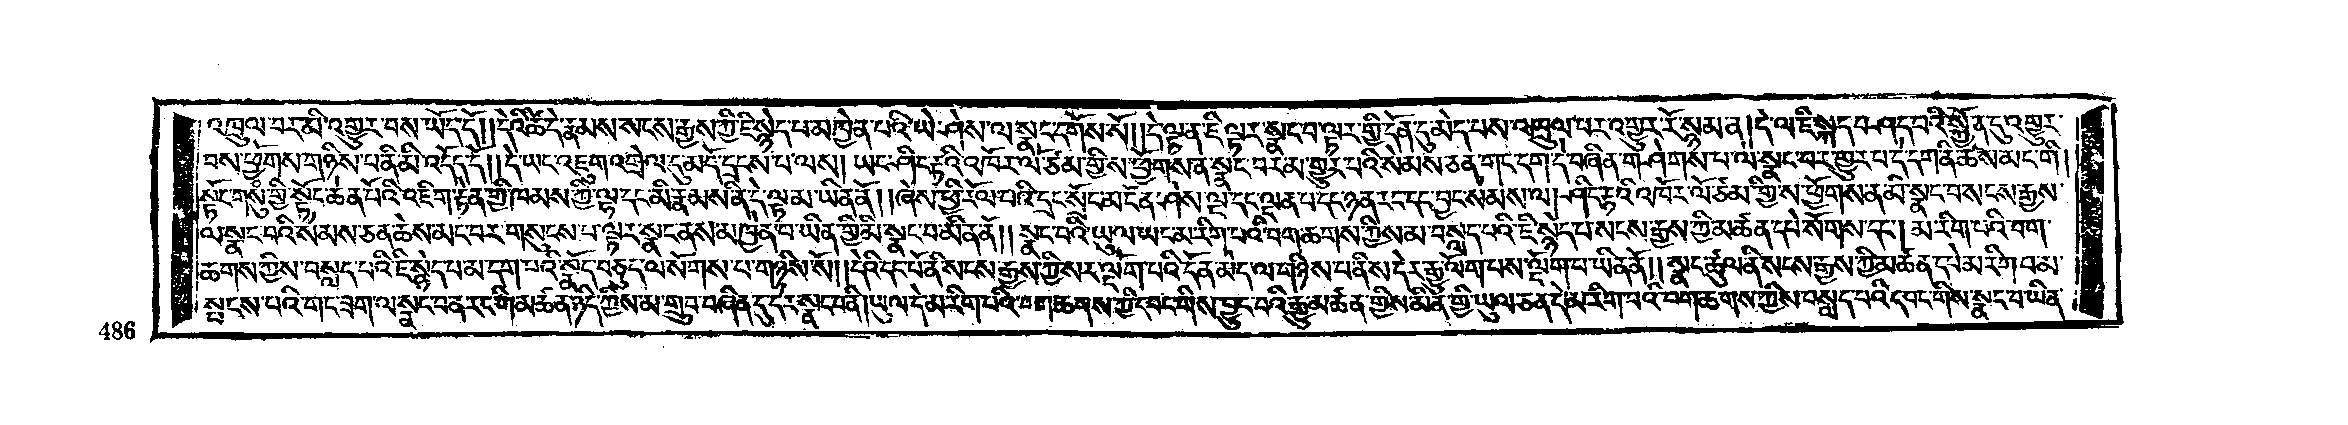འཁྲུལ་བར་མི་འགྱུར་བས་ཡོད་དོ། །དེའི་ཚེ་དེ་རྣམས་སངས་རྒྱས་ཀྱི་ཇི་སྙེད་པ་མཁྱེན་པའི་ཡེ་ཤེས་ལ་སྣང་དགོས་སོ། །དེ་ལྟ་ན་ཇི་ལྟར་སྣང་བ་ལྟར་གྱི་དོན་དུ་མེད་པས་འཁྲུལ་པར་འགྱུར་རོ་སྙམ་ན། དེ་ལ་ཇི་སྐད་བཤད་པའི་སྐྱོན་དུ་འགྱུར་
བས་ཕྱོགས་གཉིས་པ་ནི་མི་འདོད་དོ། །དེ་ཡང་འཇུག་འགྲེལ་དུ་མདོ་དྲངས་པ་ལས། ཡང་ཤིང་རྟའི་འཁོར་ལོ་ཙམ་གྱིས་ཕྱོགས་ན་སྣང་བར་མ་གྱུར་པའི་སེམས་ཅན་གང་དག་དེ་བཞིན་གཤེགས་པ་ལ་སྣང་བར་གྱུར་པ་དེ་དག་ནི་ཆོས་མང་གི།
སྟོང་གསུམ་གྱི་སྟོང་ཆེན་པོའི་འཇིག་རྟེན་གྱི་ཁམས་ཀྱི་ལྷ་དང་མི་རྣམས་ནི་དེ་ལྟ་མ་ཡིན་ནོ། །ཞེས་ཕྱི་རོལ་པའི་དྲང་སྲོང་མངོན་ཤེས་ལྔ་དང་ལྡན་པ་དང་ཉན་རང་དང་བྱང་སེམས་ལ། ཤིང་རྟའི་འཁོར་ལོ་ཙམ་གྱི་ས་ཕྱོགས་ན་མི་སྣང་བ་སངས་རྒྱས་
ལ་སྣང་བའི་སེམས་ཅན་ཆེས་མང་བར་གསུངས་པ་ལྟར་སྣང་ནས་མཁྱེན་པ་ཡིན་གྱི་མི་སྣང་བ་མིན་ནོ། །སྣང་བའི་ཡུལ་ཡང་མ་རིག་པའི་བག་ཆགས་ཀྱིས་མ་བསླད་པའི་ཇི་སྙེད་པ་སངས་རྒྱས་ཀྱི་མཚན་དཔེ་སོགས་དང་། མ་རིག་པའི་བག་
ཆགས་ཀྱིས་བསླད་པའི་ཇི་སྙེད་པ་མ་དག་པའི་སྣོད་བཅུད་ལ་སོགས་པ་གཉིས་སོ། །དེའི་དང་པོ་ནི་སངས་རྒྱས་ཀྱི་སར་ལྡོག་པའི་དོན་མེད་ལ་གཉིས་པ་ནི་ས་དེར་རྒྱུ་ལོག་པས་ལྡོག་པ་ཡིན་ནོ། །སྣང་ཚུལ་ནི་སངས་རྒྱས་ཀྱི་མཚན་དཔེ་མ་རིག་པ་མ་
སྤངས་པའི་གང་ཟག་ལ་སྣང་བ་ན་རང་གི་མཚན་ཉིད་ཀྱིས་མ་གྲུབ་བཞིན་དུ་དེར་སྣང་བ་ནི། ཡུལ་དེ་མ་རིག་པའི་བག་ཆགས་ཀྱི་དབང་གིས་བྱུང་བའི་རྒྱུ་མཚན་གྱིས་མིན་གྱི་ཡུལ་ཅན་དེ་མ་རིག་པའི་བག་ཆགས་ཀྱིས་བསླད་པའི་དབང་གིས་སྣང་བ་ཡིན་